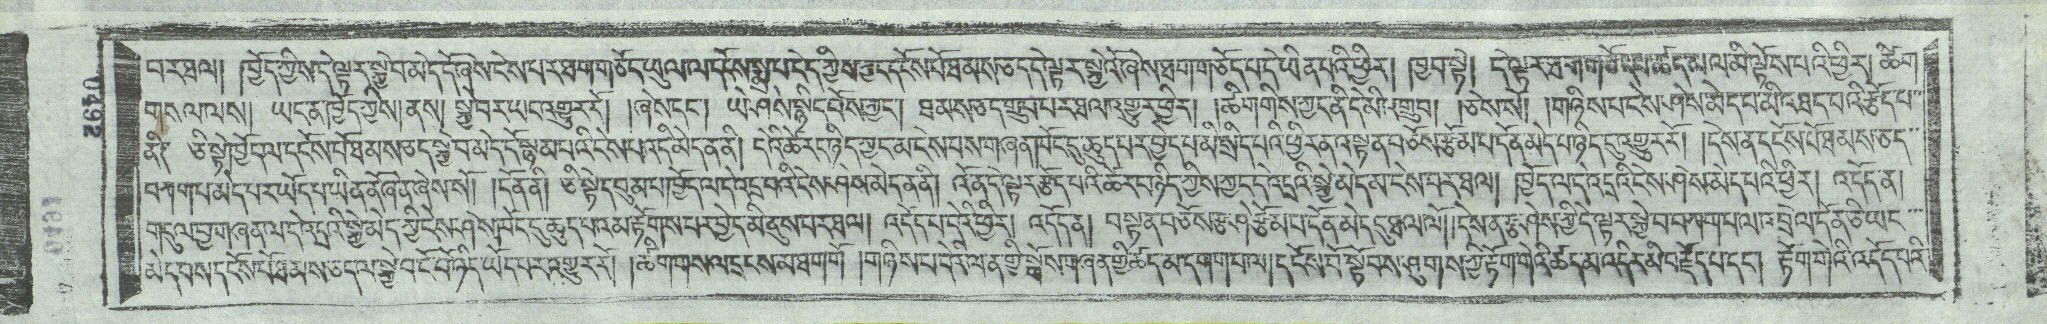པར་ཐལ། ཁྱོད་ཀྱིས་དེ་ལྟར་སྐྱེ་བ་མེད་དོ་ཞེས་ངེས་པར་ཐག་གཅོད་ཡུལ་ལ་དངོས་སྨྲ་པ་ངེད་ཀྱིས་ཀྱང་དངོས་པོ་ཐམས་ཅད་དེ་ལྟར་སྐྱེའོ་ཞེས་ཐག་གཅོད་པ་དེ་ཡིན་པའི་ཕྱིར། ཁྱབ་སྟེ། དེ་ལྟར་ཐག་གཅོད་པ་ཚད་མ་ལ་མི་ལྟོས་པའི་ཕྱིར། ཚིག་
གསལ་ལས། ཡང་ན་ཁྱོད་ཀྱིས། ནས། སྐྱེ་བར་ཡང་འགྱུར་རོ། །ཞེས་དང་། ཡེ་ཤེས་སྙིང་པོས་ཀྱང་། ཐམས་ཅད་གྲུབ་པར་ཐལ་འགྱུར་ཕྱིར། །ཚིག་གིས་ཀྱང་ནི་དེ་མི་འགྲུབ། །ཅེས་སོ། །གཉིས་པ་ངེས་ཤེས་མེད་པ་མི་འཐད་པའི་རྩོད་པ་
ནི༑ ཅི་སྟེ་ཁྱོད་ལ་དངོས་པོ་ཐམས་ཅད་སྐྱེ་བ་མེད་དོ་སྙམ་པའི་ངེས་པ་འདི་མེད་ན་ནི། དེའི་ཚེ་རང་ཉིད་ཀྱང་མ་ངེས་པས་གཞན་ཁོང་དུ་ཆུད་པར་བྱེད་པ་མི་སྲིད་པའི་ཕྱིར་ན་བསྟན་བཅོས་རྩོམ་པ་དོན་མེད་པ་ཉིད་དུ་འགྱུར་རོ། །དེས་ན་དངོས་པོ་ཐམས་ཅད་
བཀག་པ་མེད་པར་ཡོད་པ་ཡིན་ནོ་ཞེན་ཞེས་སོ། །དོན་ནི། ཅི་སྟེ་དབུ་མ་པ་ཁྱོད་ལ་དེ་འདྲ་བའི་ངེས་ཤེས་མེད་ན་ནི། འོ་ན་དེ་ལྟར་རྩོད་པའི་ཚེ་རང་ཉིད་ཀྱིས་ཀྱང་དེ་འདྲའི་སྐྱེ་མེད་མ་ངེས་པར་ཐལ། ཁྱོད་ལ་དེ་འདྲའི་ངེས་ཤེས་མེད་པའི་ཕྱིར། འདོད་ན།
གདུལ་བྱ་གཞན་ལ་དེ་འདྲའི་སྐྱེ་མེད་ཀྱི་ངེས་ཤེས་ཁོང་དུ་ཆུད་པའམ་རྟོགས་པར་བྱེད་མི་ནུས་པར་ཐལ། འདོད་པ་དེའི་ཕྱིར། འདོད་ན། བསྟན་བཅོས་རྩ་ཤེ་རྩོམ་པ་དོན་མེད་དུ་ཐལ་ལོ། །དེས་ན་རྩ་ཤེས་ཀྱི་དེ་ལྟར་སྐྱེ་བ་བཀག་པ་ལ་འབྲེལ་དོན་ཅི་ཡང་
མེད་པས་དངོས་པོ་ཐམས་ཅད་ལ་སྐྱེ་བ་ངོ་བོ་ཉིད་ཡོད་པར་འགྱུར་རོ། །ཚིག་གསལ་དྲངས་མ་ཐག་གོ །གཉིས་པ་དེའི་ལན་གྱི་སྒོས་གཞན་གྱི་ཚད་མ་དགག་པ་ལ། དངོས་པོ་སྟོབས་ཤུགས་ཀྱི་རྟོག་གེའི་ཚད་མ་འདིར་མི་བརྗོད་པ་དང་། རྟོག་གེའི་འདོད་པའི་